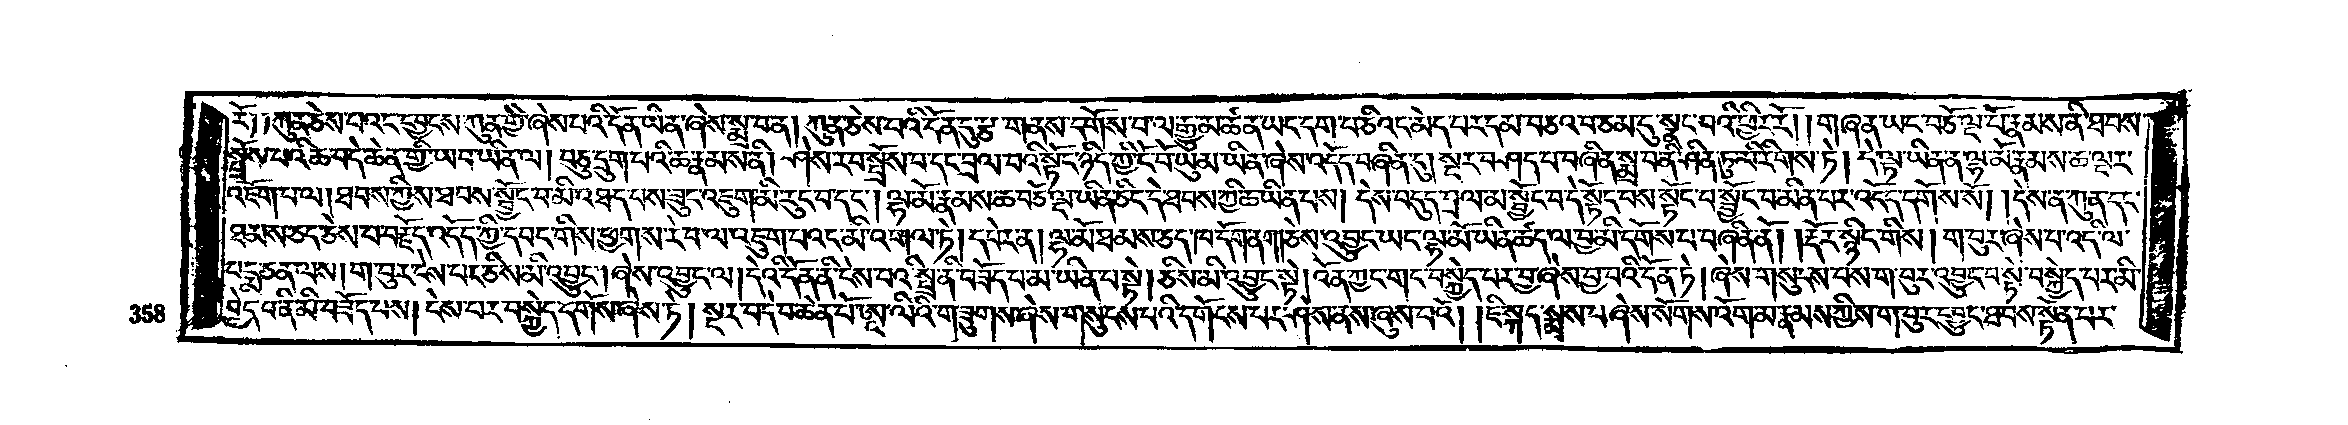རོ། །ཀུན་ཅེས་པའང་དབྱངས་ཀུན་གྱི་ཞེས་པའི་དོན་ཡིན་ཞེས་སྨྲ་བ་ན། ཀུན་ཅེས་པའི་དོན་དུ་རྩ་གནས་དགོས་པ་ལ་རྒྱུ་མཚན་ཡང་དག་པ་ཅིའང་མེད་པར་དམ་བཅའ་བ་ཙམ་དུ་སྣང་བའི་ཕྱིར་རོ། །གཞན་ཡང་བཅོ་ལྔ་པོ་རྣམས་ནི་ཐབས་
སྤྲོས་པའི་ཆ་བདེ་ཆེན་གྱི་ཡབ་ཡིན་ལ། བཅུ་དྲུག་པའི་ཆ་རྣམས་ནི། ཤེས་རབ་སྤྲོས་པ་དང་བྲལ་བའི་སྟོང་ཉིད་ཀྱི་ངོ་བོ་ཡུམ་ཡིན་ཞེས་འདོད་བཞིན་དུ། སྔར་བཤད་པ་བཞིན་སྨྲ་བ་ནི་ཤིན་ཏུ་མི་རིགས་ཏེ། དེ་ལྟ་ཡིན་ན་ལྷ་མོ་རྣམས་ཆ་ལྔར་
འཇོག་པ་ལ། ཐབས་ཀྱིས་ཐབས་སྦྱོང་བ་མི་འཐད་པས་ཟུང་འཇུག་མི་རུང་བ་དང་། ལྷ་མོ་རྣམས་ཆ་བཅོ་ལྔ་ཡིན་ཅིང་དེ་ཐབས་ཀྱི་ཆ་ཡིན་པས། དེས་བདུད་བྲལ་མ་སྦྱོང་བ་དེ་སྟོང་པས་སྟོང་པ་སྦྱོང་བ་མིན་པར་འདོད་དགོས་སོ། །དེས་ན་ཀུན་དང་
ཐམས་ཅད་ཅེས་པ་བརྗོད་འདོད་ཀྱི་དབང་གིས་ཕྱགས་རེ་བ་ལ་འཇུག་པའང་མི་འགལ་ཏེ། དཔེར་ན། ལྷ་མོ་ཐམས་ཅད་ཁ་དོག་ནག །ཅེས་འབྱུང་ཡང་ལྷ་མོ་ཡིན་ཚད་ལ་བྱ་མི་དགོས་པ་བཞིན་ནོ། །རྡོར་སྙིང་གིས། ག་བུར་ཞེས་པ་འདི་ལ་
པདམ་ཅན་ལས། ག་བུར་ངེས་པར་ཅིས་མི་འབྱུང་། ཞེས་འབྱུང་ལ། དེའི་དོན་ནི་ངེས་པའི་སྤྲ་ནི་བཟོད་པ་མ་ཡིན་པ་སྟེ། ཅིས་མི་འབྱུང་སྟེ། འོན་ཀྱང་གང་བསྐྱེད་པར་བྱ་ཞེས་བྱ་བའི་དོན་ཏེ། ཞེས་གསུངས་པས་ག་བུར་འབྱུང་བ་སྟེ་བསྐྱེད་པར་མི་
བྱེད་པ་ནི་མི་བཟོད་པས། ངེས་པར་བསྐྱེད་དགོས་ཞེས་ཏེ། སྔར་བདེ་བ་ཆེན་པོ་ཨཱ་ལིའི་གཟུགས་ཞེས་གསུངས་པའི་དགོངས་པར་ཤེས་ནས་ཞུས་པའོ། །ཇི་སྐད་སྨྲས་པ་ཞེས་སོགས་འོག་མ་རྣམས་ཀྱིས་ག་བུར་དབྱུང་ཐབས་སྟོན་པར་